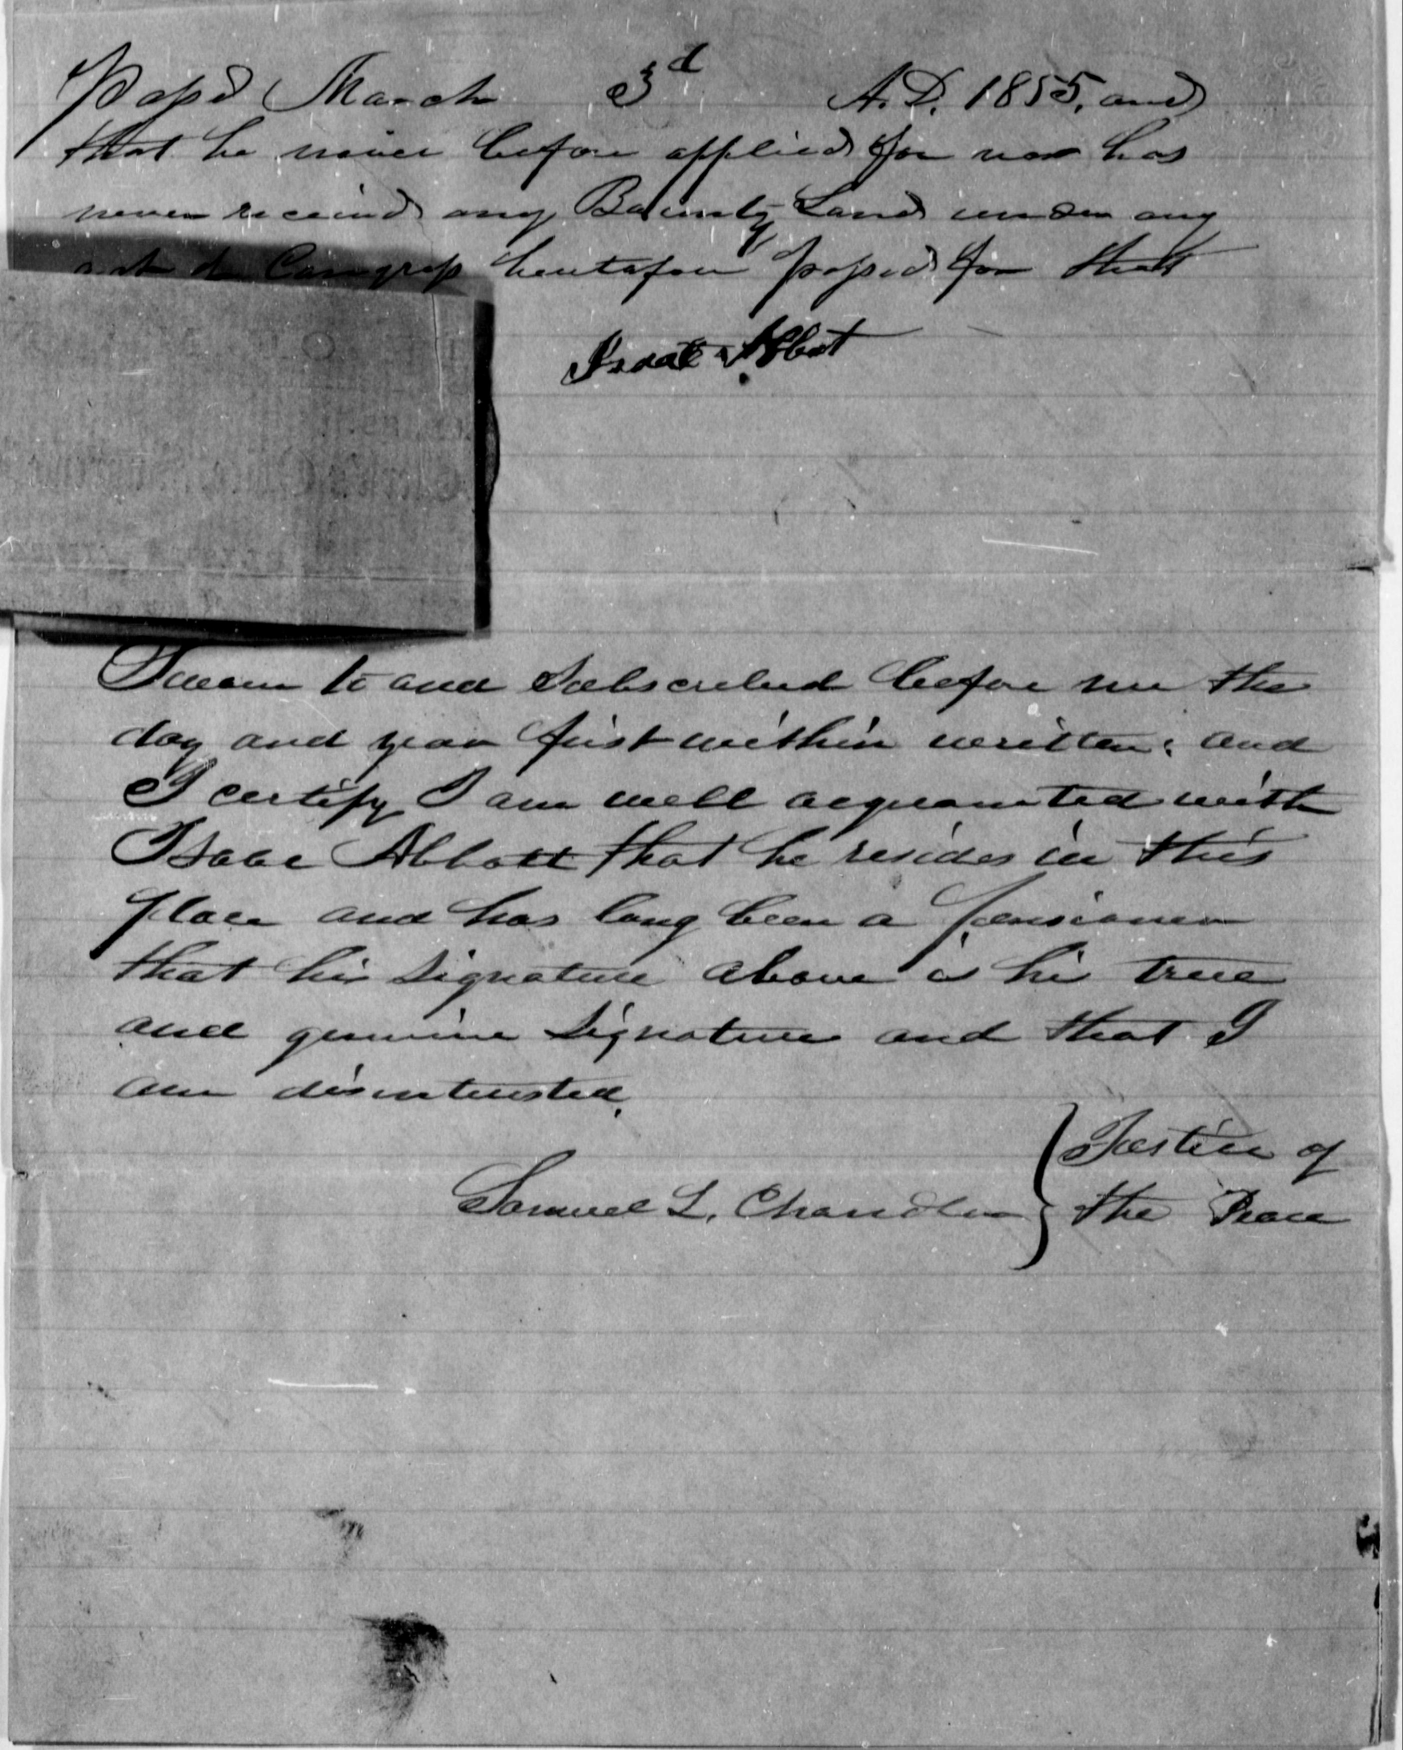Papered March 3rd, A.D. 1855, and that he never before applied nor has never received any Bounty Land under any Act of Congress hereto for papered for that.
[SIGNED: Isaac Abbott



Swear to and subscribed before me the day and year first within written, and I certify I am well acquainted with Isaac Abbott, that he resides in this place and has long been a Pensioner that his signature above is his true and genuine signature and that I am [illegible].

[Signed: Samuel L. Chandler]} Justice of the Peace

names: Samuel L Chandler, Isaac Abbott, Isaac Abbot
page: 17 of 86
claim: survivor's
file: S 29,568, Isaac Abbot, Mass